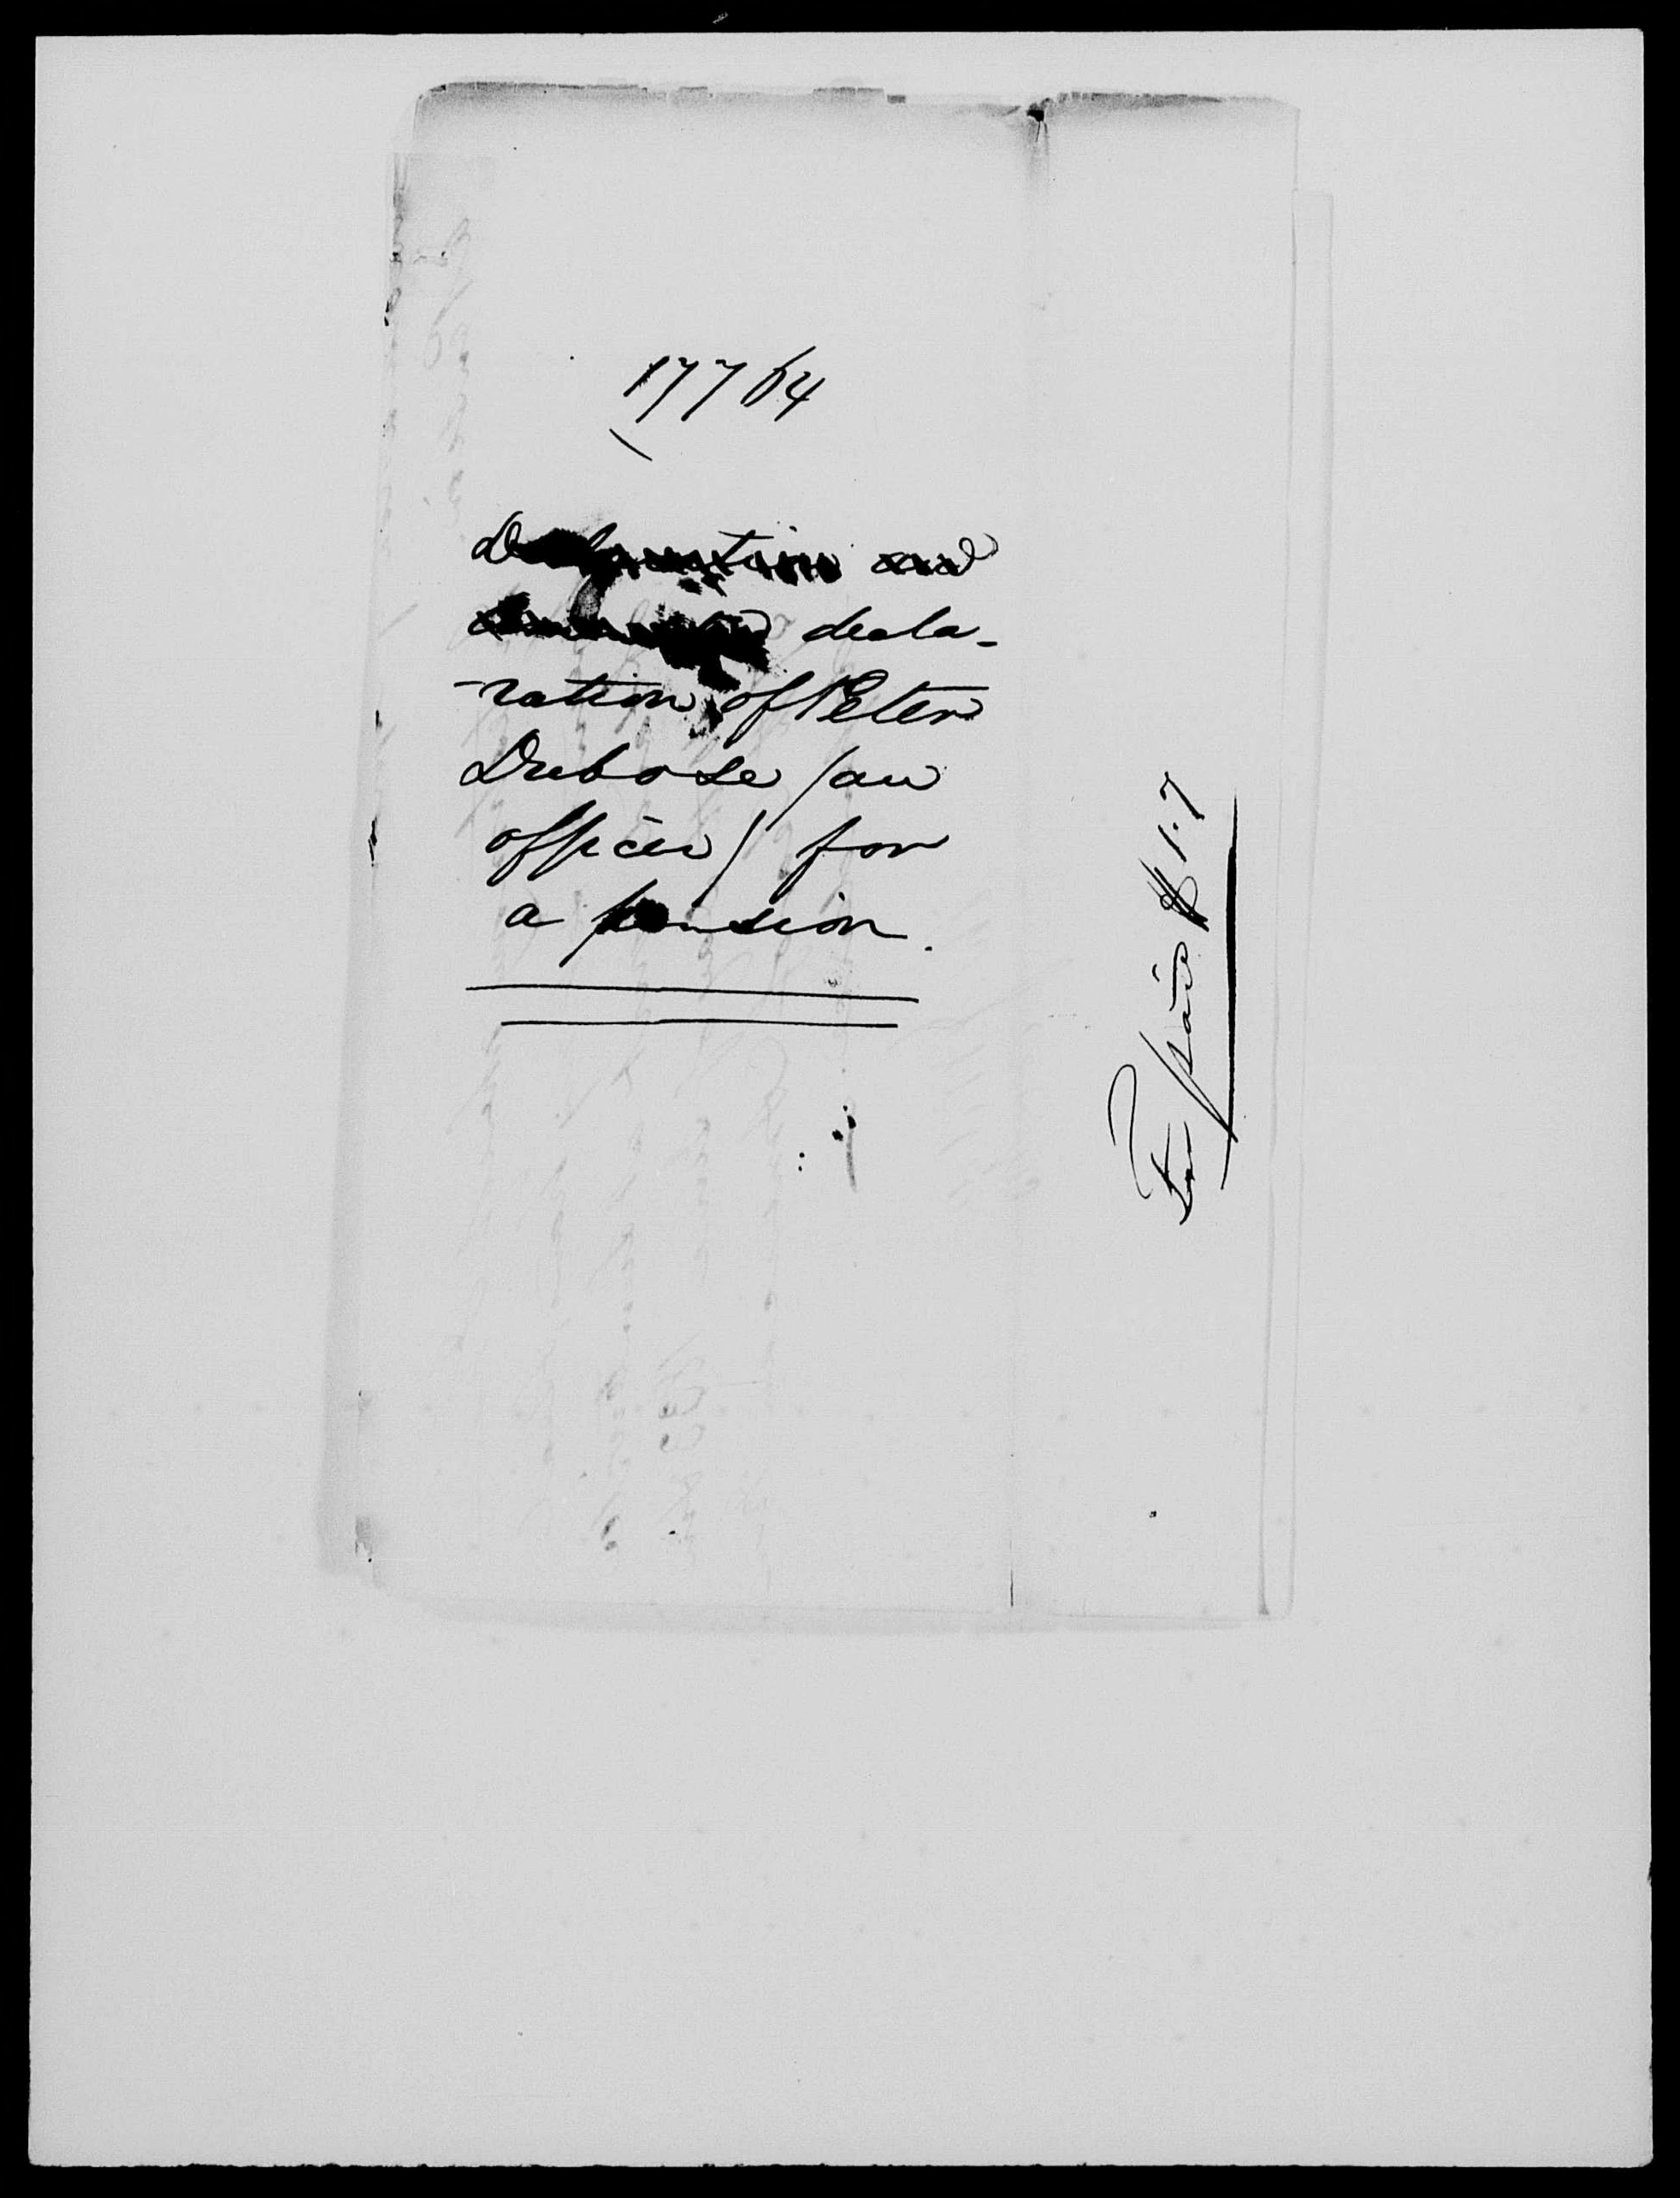17764 Declaration and amended declaration of  Peter Dubose / an officer / for a pension . ( vertical note ) ( ..  illegible  paid  $ 1.7  )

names: Peter Dubose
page: 30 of 43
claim: survivor's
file: S. 21163, Peter Dubose, S.C.